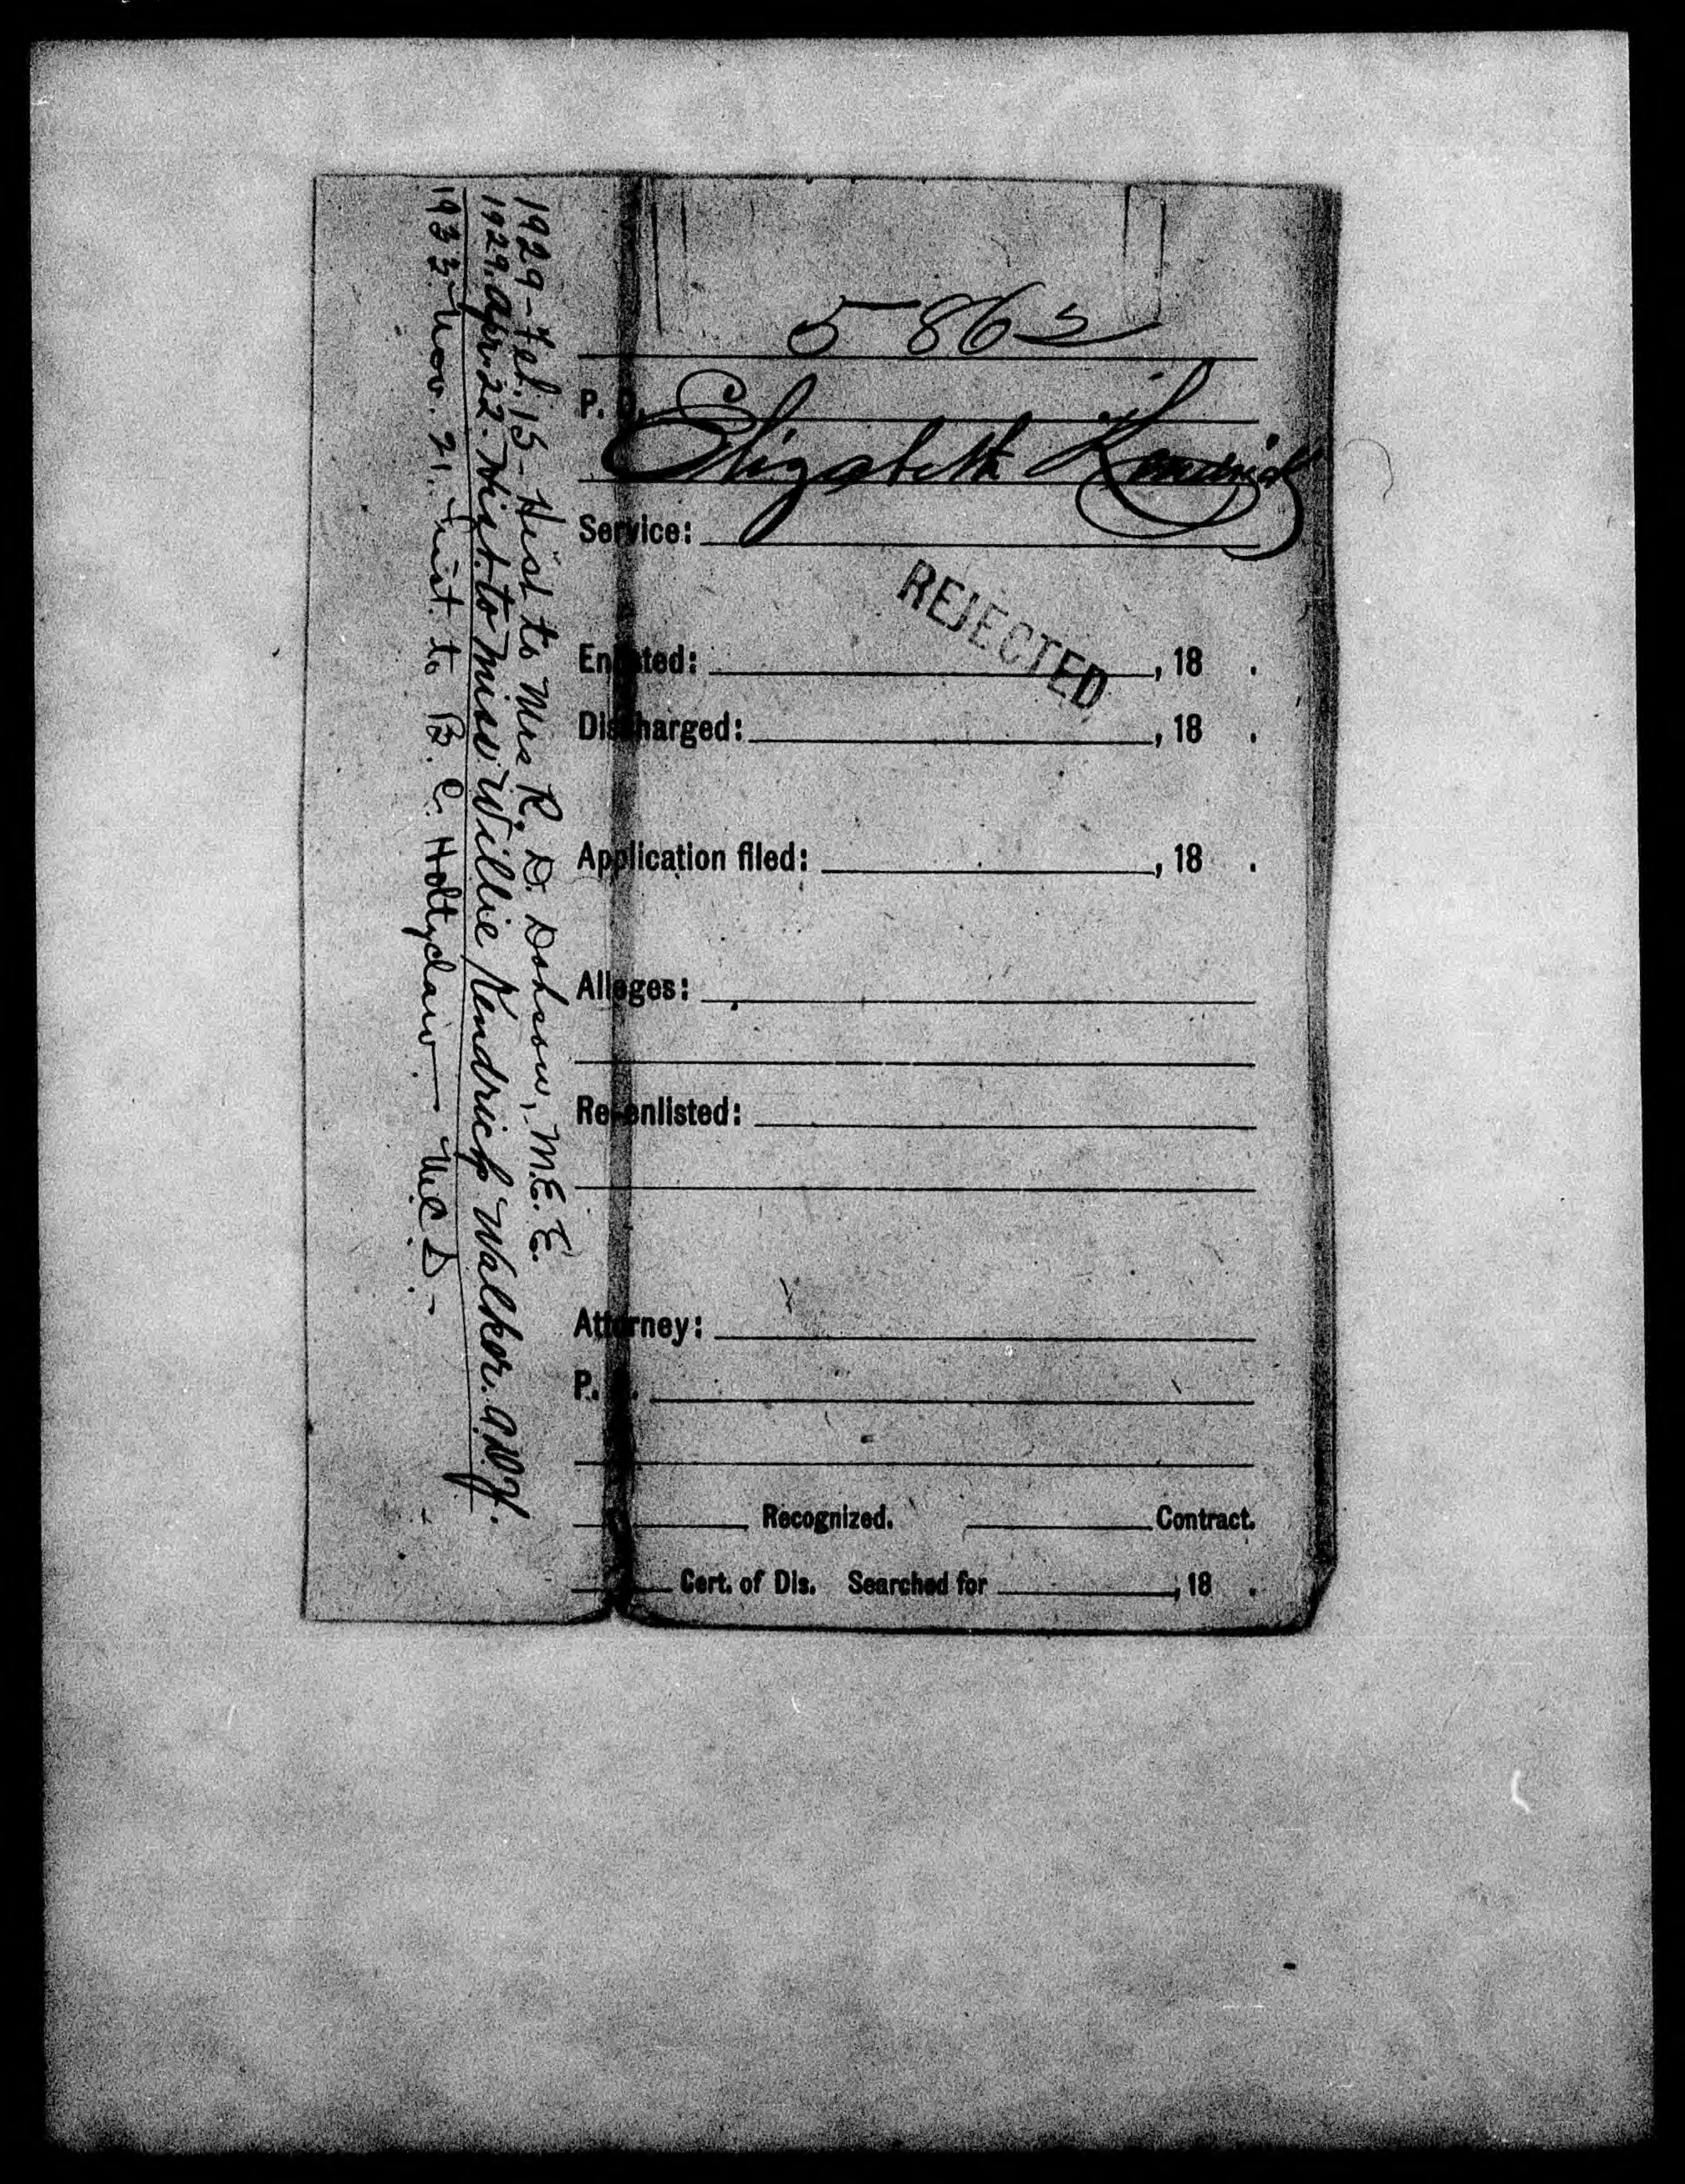5862
Elizabeth Kendrick
P.O.  [blank]
Service:  [blank]
REJECTED
Enlisted:  [blank date]
Discharged:  [blank date]
Application filed:  [blank date]
Alleges:  [blank]
Re-enlisted:  [blank]
Attorney:  [blank]
P.O.  [blank]
[blank]  Recognized.  [blank]  Contract.
[blank] Cert. of Dis.  Searched for [blank date]


[written vertically on the left margin]
1929 - Feb. 15 - Hist. to Mrs. R. D. Dobson, M.E.E.
1929 - Apr. 22  Hist. to Miss Willie Kendrick Walker A.D.Y.
1933 - Nov. 21.  hist. to B. C. Holtzclaw  M.C.D.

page: 21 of 29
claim: rejected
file: R. 5862, for Isham Kendrick, North Carolina